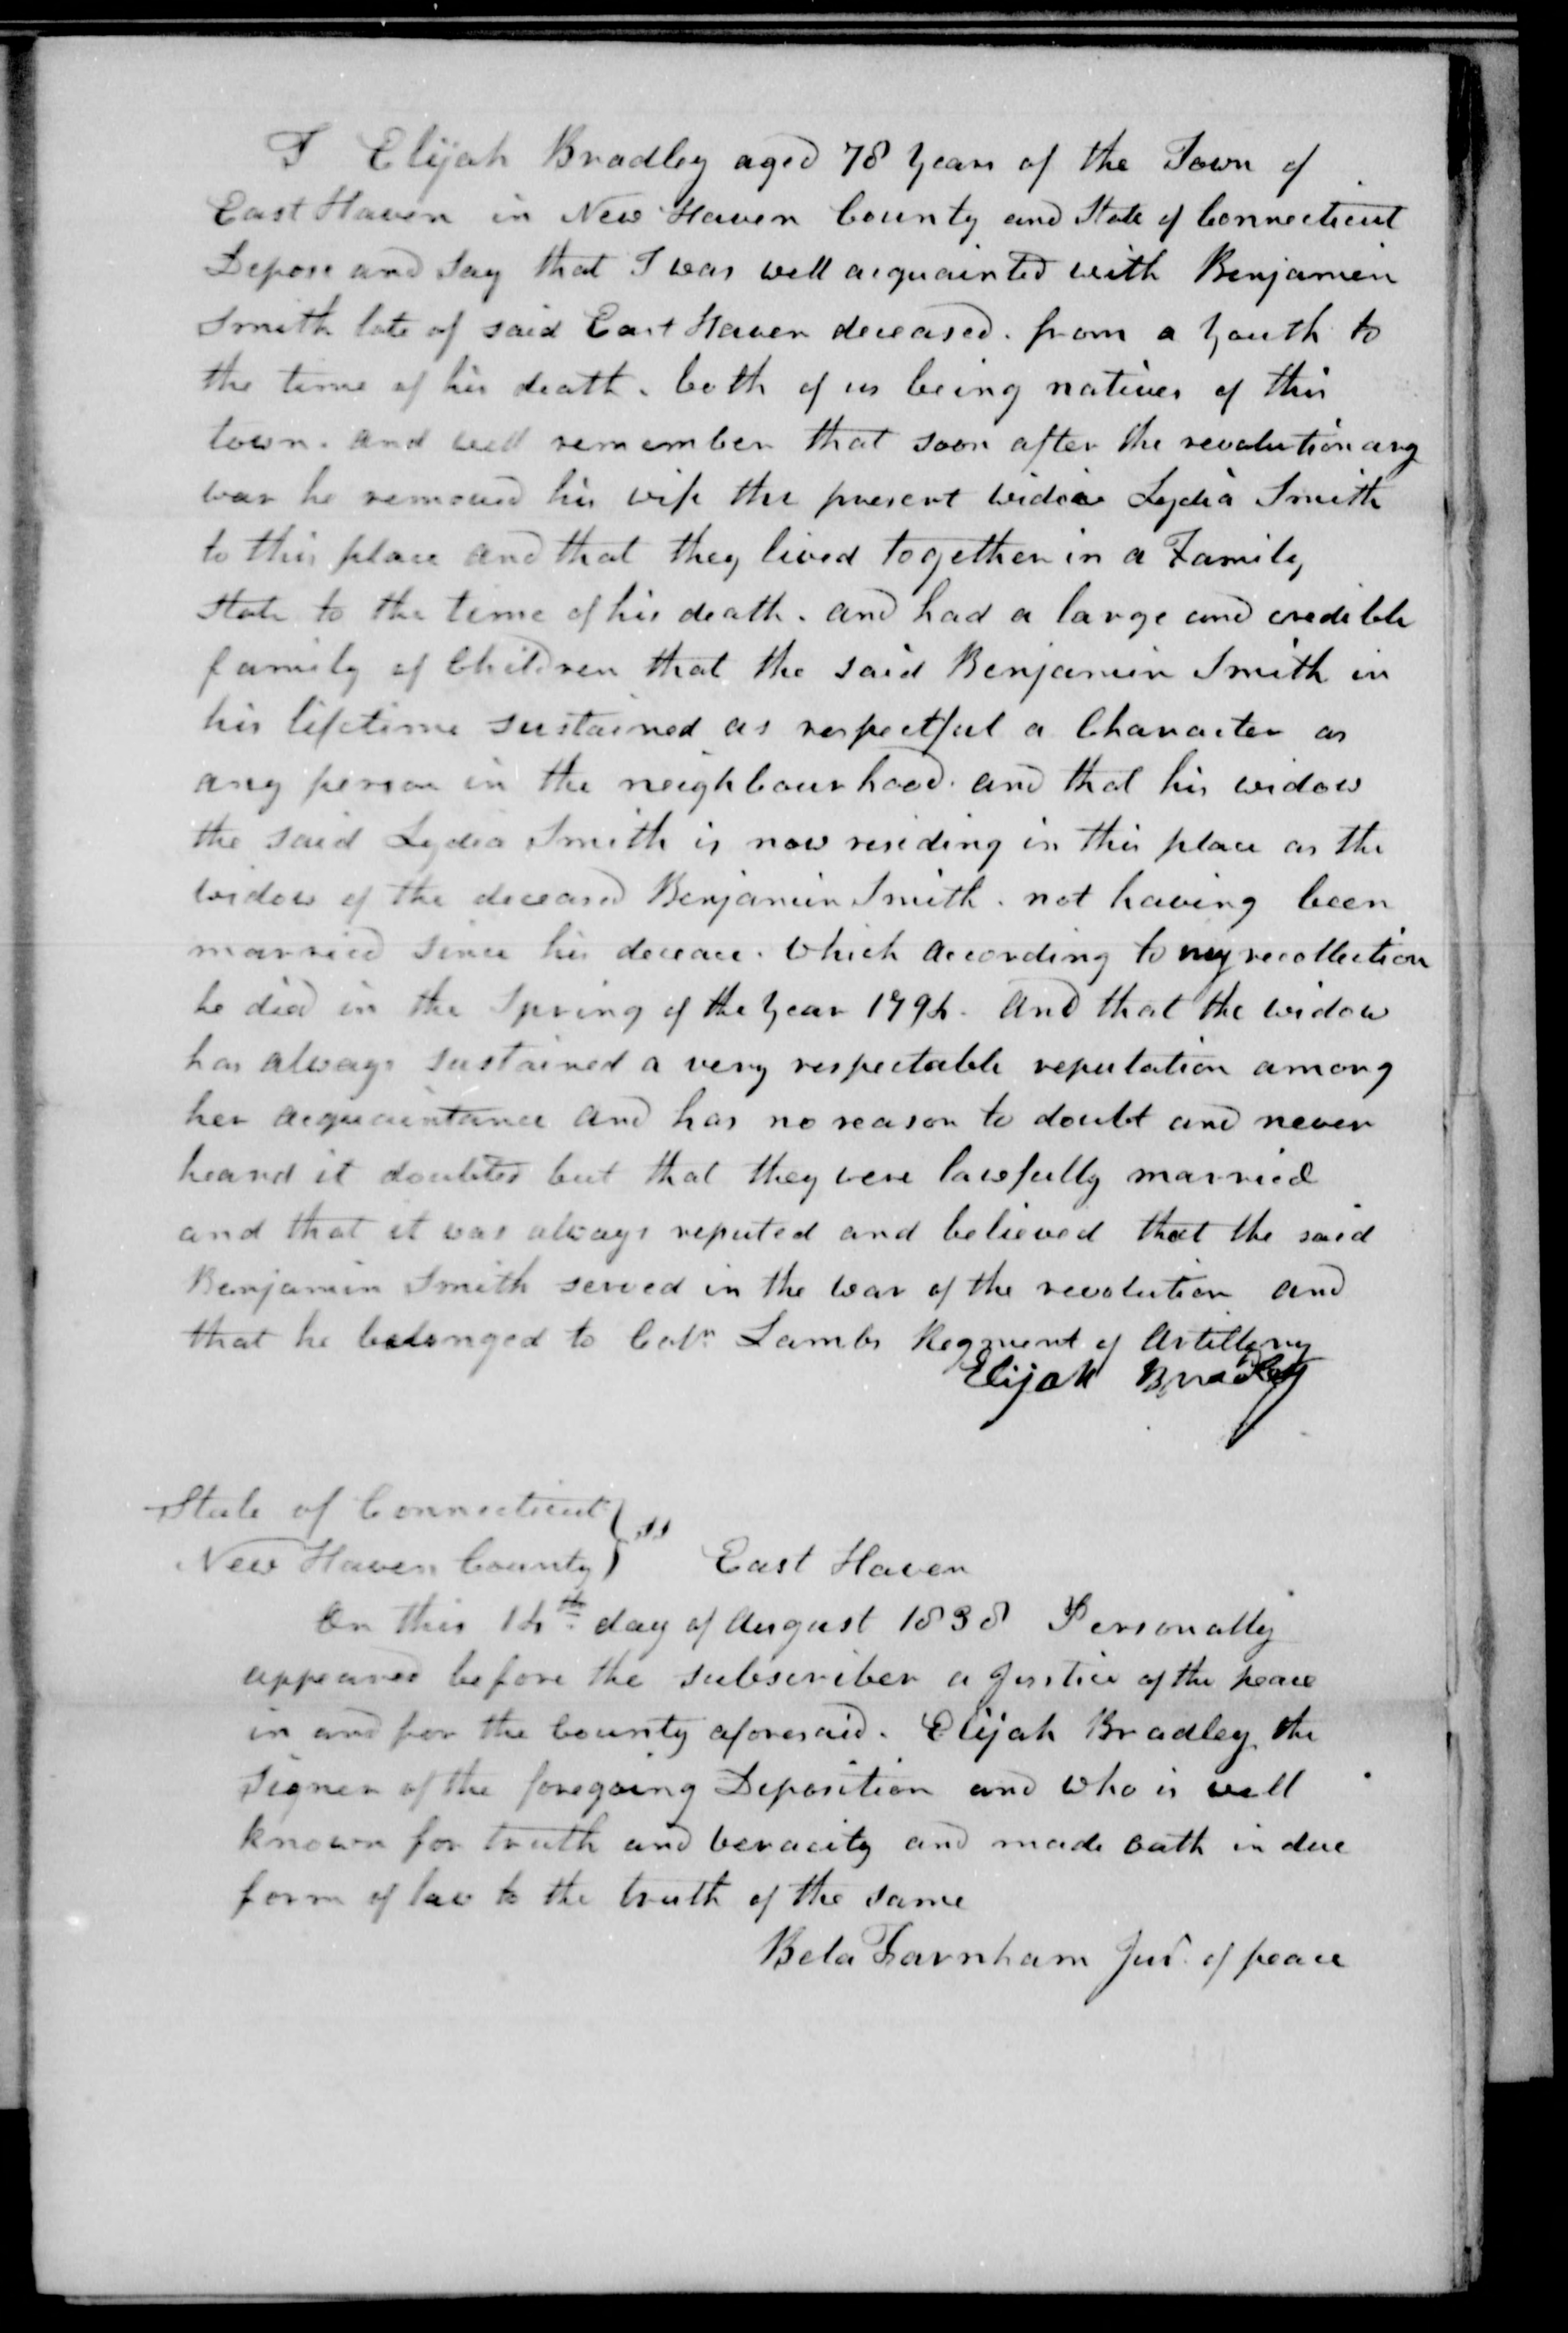I Elijah Bradley aged 78 years of the town of East Haven in New Haven County and state of Connecticut depose and say that I was well acquainted with Benjamin Smith late of said East Haven, deceased, from a youth to the time of his death, both of us being natives of this town. And well remember that soon after the Revolutionary War he removed his wife the present widow Lydia Smith to this place and that they lived together in a family state to the time of his death, and had a large and credible family of children. That the said Benjamin Smith in his lifetime sustained as respectful a character as any person in the neighbourhood, and that his widow the said Lydia Smith is now residing in the place as the widow of the deceased Benjamin Smith, not having been married since his decease, which according to my recollection he died in the Spring of the year 1796. And that the widow has always sustained a very respectable reputation among her acquaintance and has no reason to doubt and never heard it doubted but that they were lawfully married and that ti was always reputed and believed that the said Benjamin Smith served in the War of the Revolution and that he belonged to Colonel Lambs Regiment of Artillery.
Elijah Bradley

State of Connecticut
New Haven County} Ss. East Haven
On this 14th day of August 1838 Personally appeared before the subscriber a Justice of the Peace in and for the county aforesaid, Elijah Bradley, the signer of the foregoing deposition and who is well known for truth and veracity and made oath in due form of law to the truth of the same.
Bela Farnham Justice of the Peace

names: Benjamin Smith; Benjamin Smith; Bela Farnham; Benjamin Smith; Elijah Bradley; Lydia Smith; Elijah Bradley; Lydia Smith; Elijah Bradley; Benjamin Smith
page: 11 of 19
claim: rejected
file: R 9792, for Benjamin Smith, Connecticut